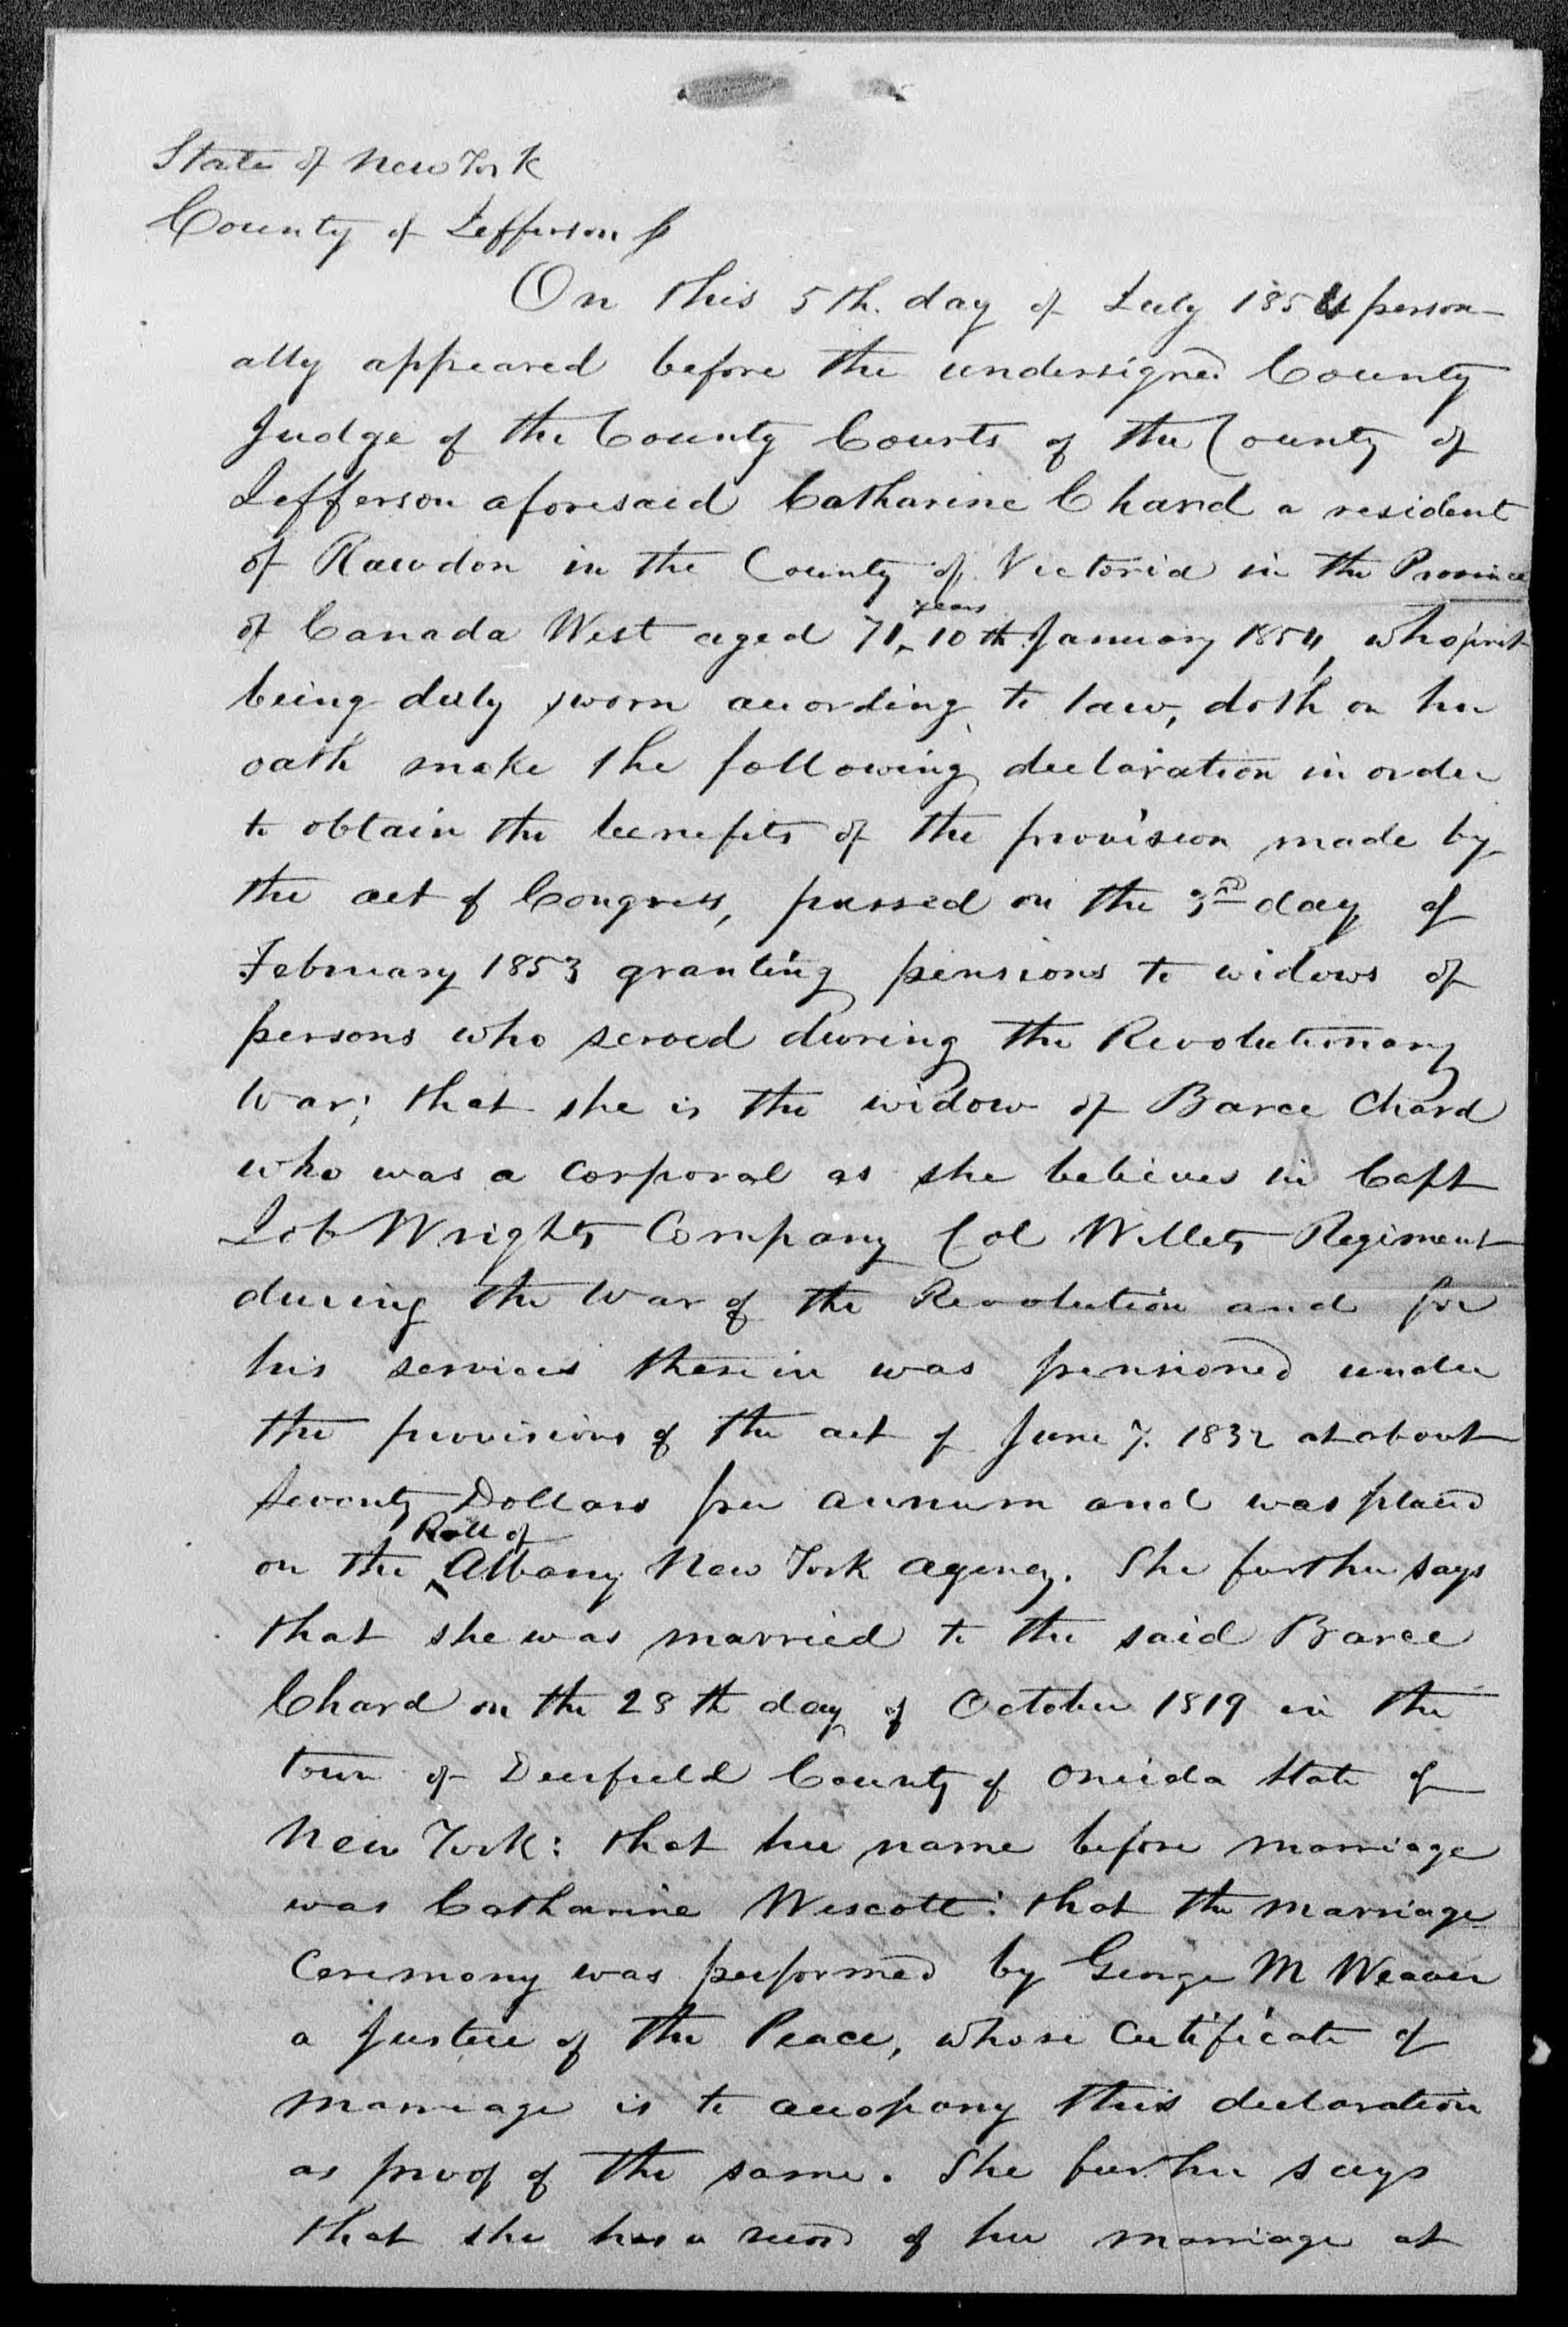State of New York 
County of Jefferson ss. 
On this 5th day of July 1854 personally appeared before the undersigned County Judge of the County Courts of the County of Jefferson aforesaid Catharine Chard a resident of Rawdon in the County of Victoria in the Province of Canada West aged 70 years 10th January 1854 who first being duly sworn according to law, doth on her oath make the following declaration in order to obtain the benefits of the provision made by the act of Congress, passed on the 3d day of February 1853 granting pensions to widows of persons who served during the Revolutionary War; that she is the widow of Barce Chard who was a Corporal as she believes in Capt Job Wright's Company Col Willets Regiment during the War of the Revolution and for his services there in was pensioned under the provisions of the act of June 7, 1832 at about Seventy Dollars per annum and was placed on the Roll of Albany New York Agency. She further says that she was married to the said Barce Chard on the 28th day of October 1819 in the town of Deerfield County of Oneida State of New York: that her name before marriage was Catharine Wescott: that the marriage ceremony was performed by George M Weaver a Justice of the Peace, whose Certificate of Marriage is to accompany this declaration as proof of the same. She further says that she has a record of her marriage at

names: George M Weaver, Catharine Wescott, Barce Chard, Catharine Chard, Barce Chard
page: 9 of 47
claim: widow's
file: W. 10,602, Barce Chard, New York.